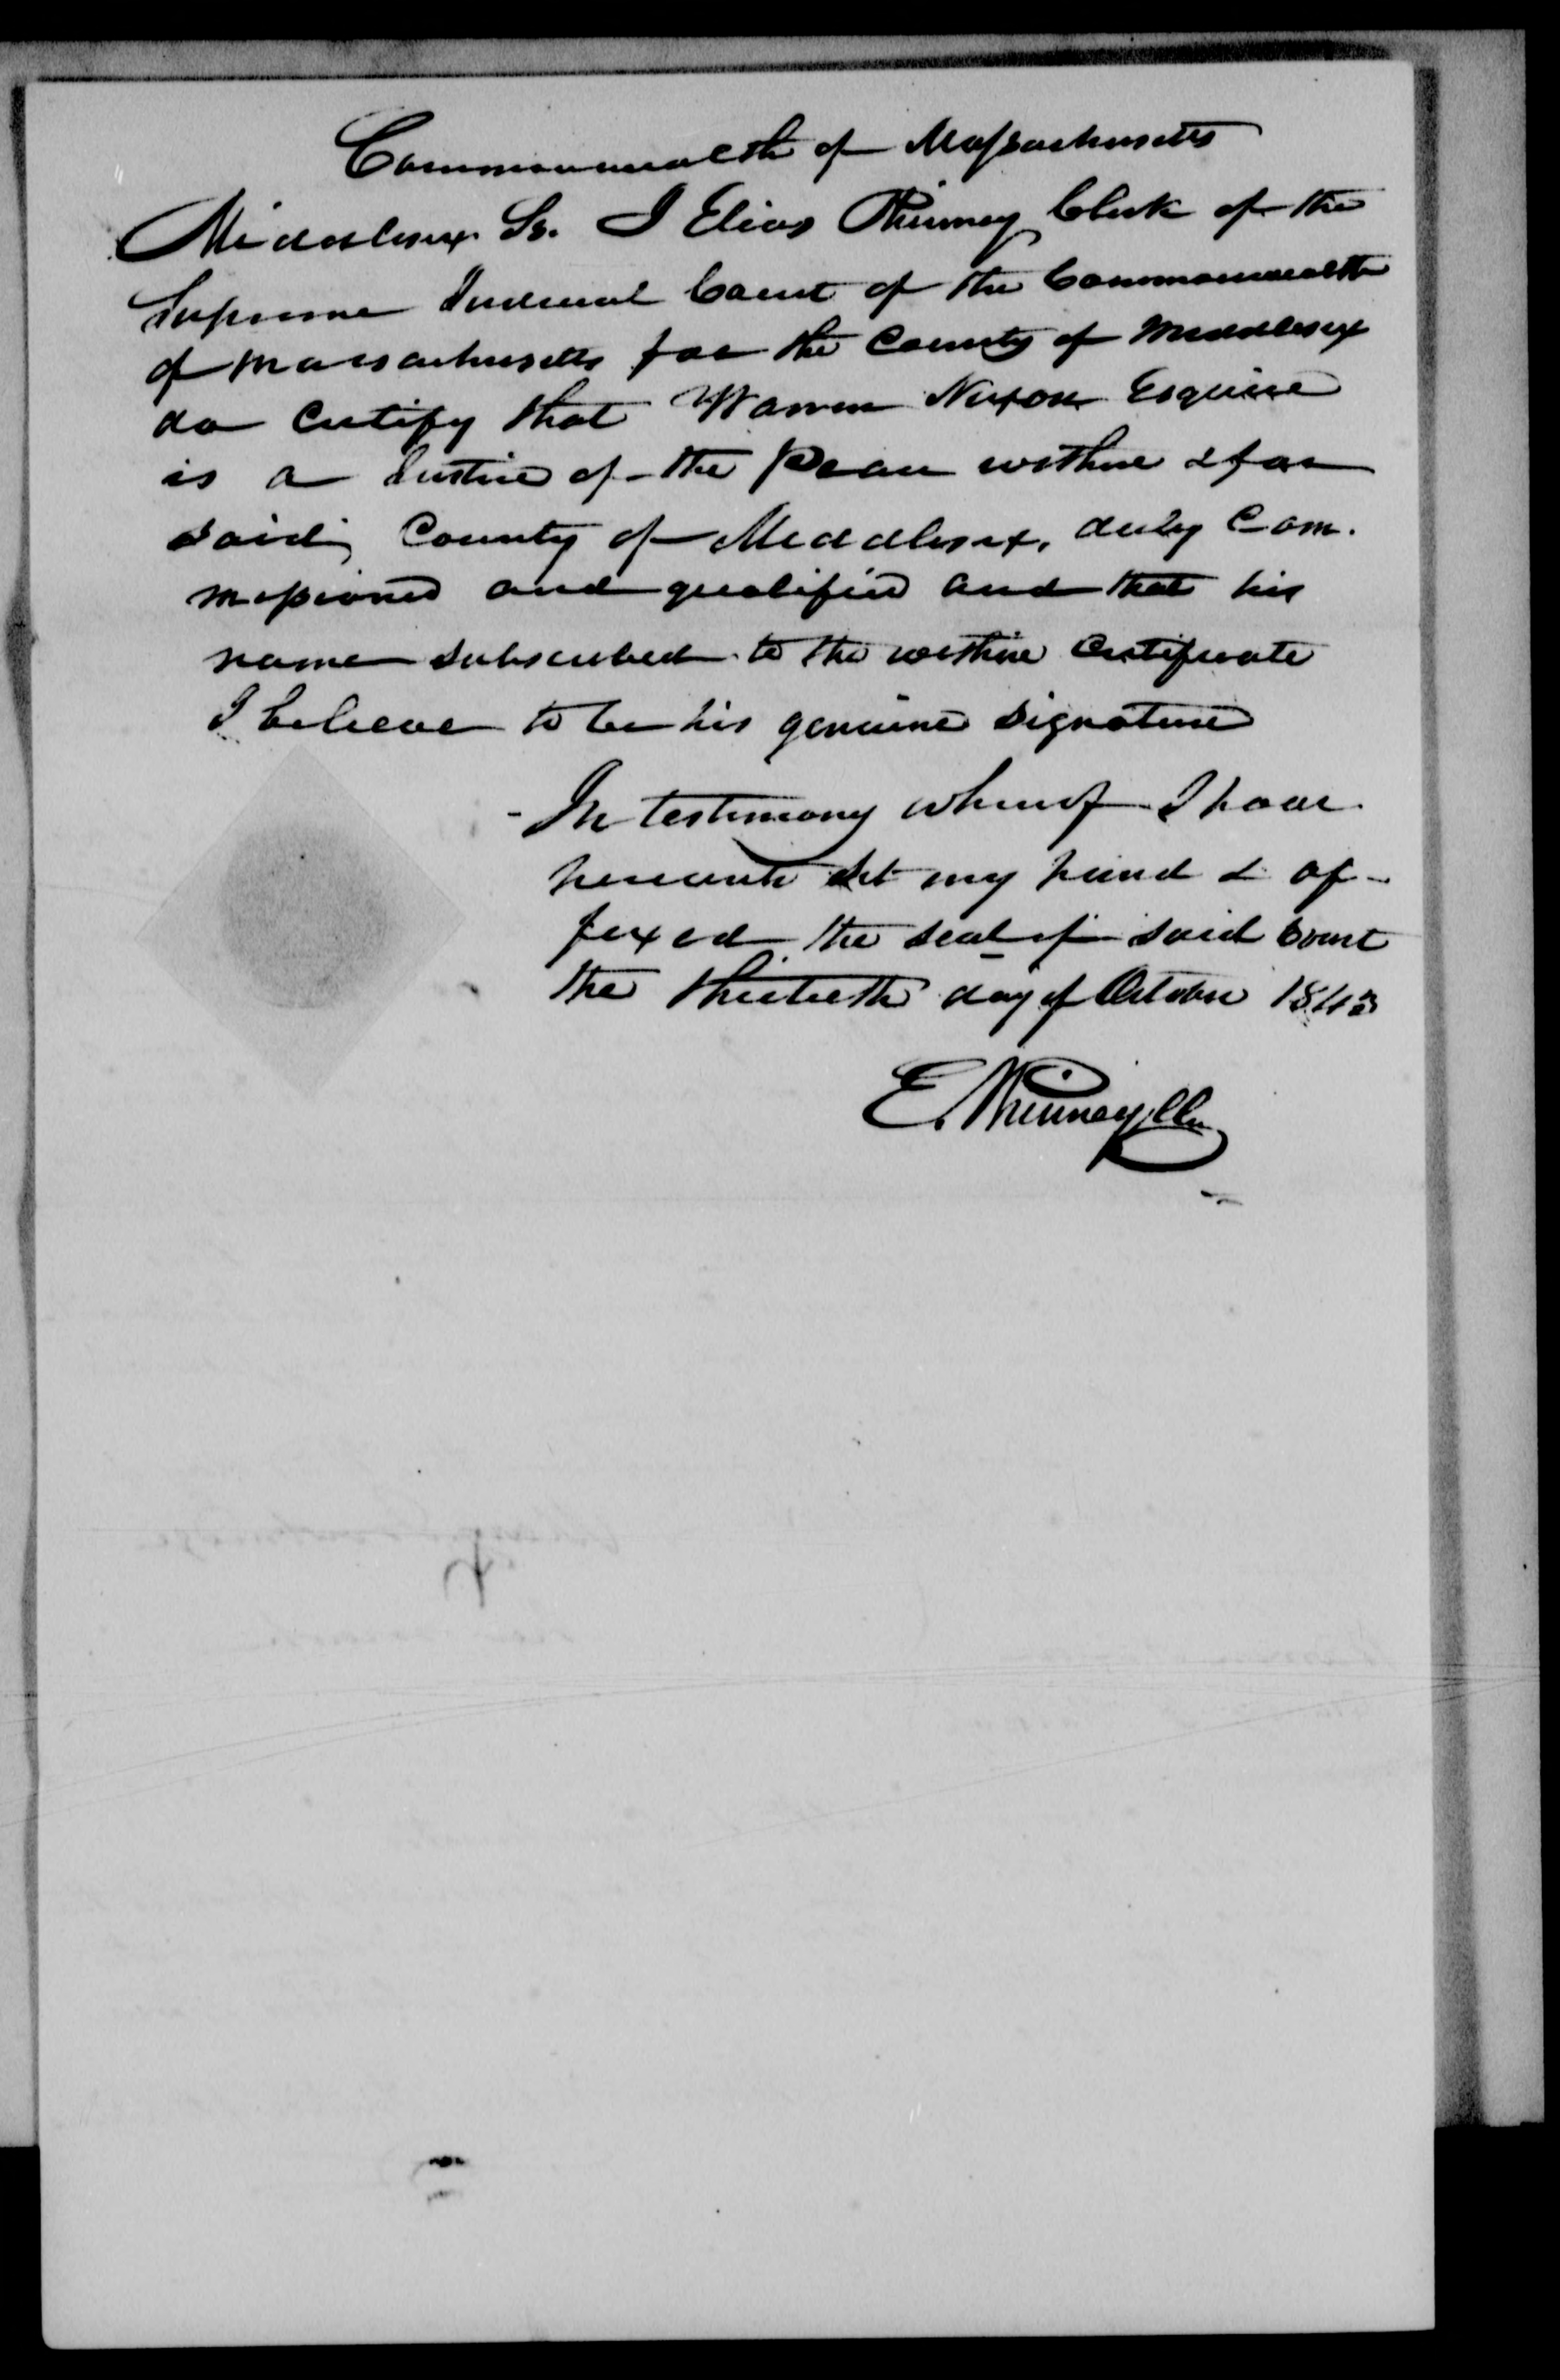Commonwealth of Massachusetts
Middlesex SS
I Elias Phinney Clerk of the Supreme Judicial Court of the Commonwealth of Massachusetts for the County of Middlesex do certify that Warren Nixon Esquire is a Justice of the Peace within & for said County of Middlesex, duly commissioned and qualified and that his name subscribed to the within certificate I believe to be his genuine signature.
In testimony whereof I have hereunto set my hand & affixed the seal of said Court the thirtieth day of October 1843 
E. Phinney Clk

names: Elios Phinney, E Phinney, Warren Nixon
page: 29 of 34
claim: widow's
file: W. 15439, John Trowbridge, Mass.